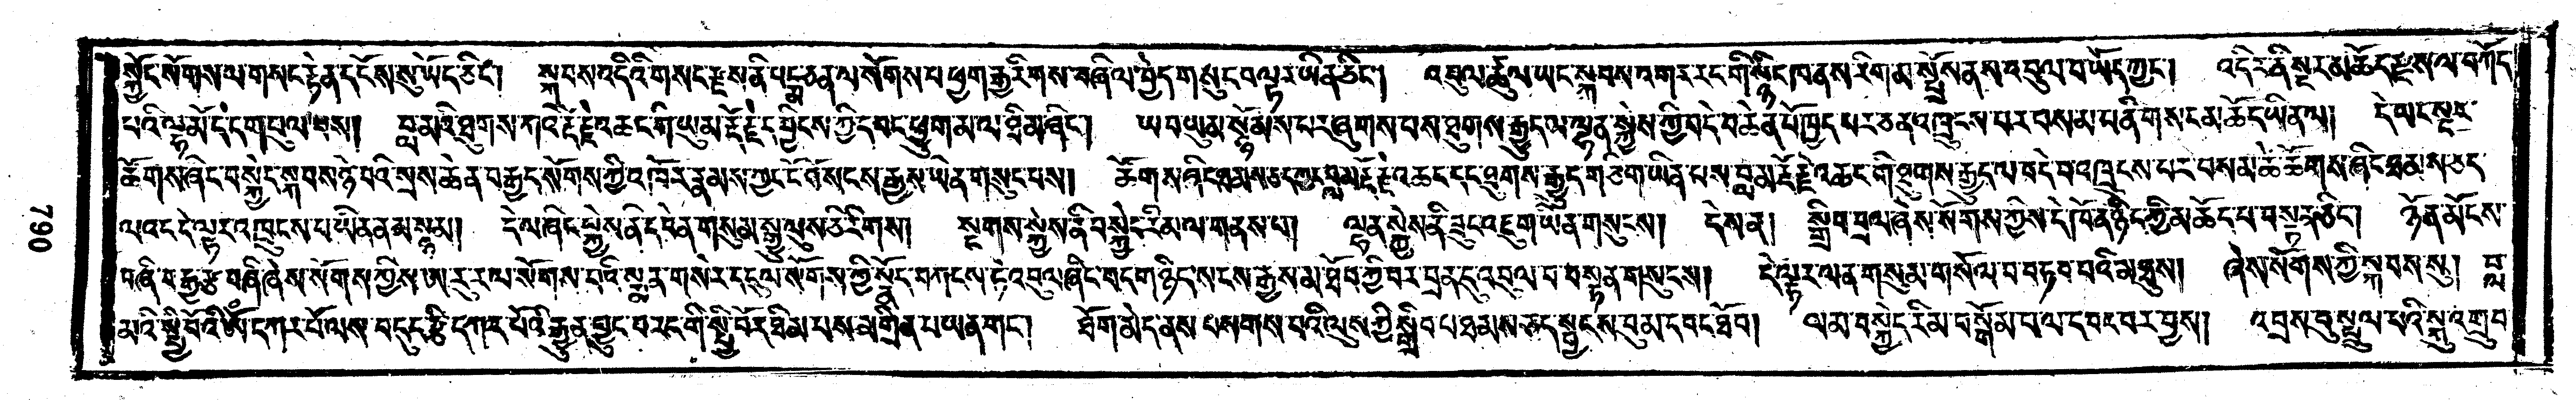སྐྱོང་སོགས་ལ་གསང་རྟེན་དངོས་སུ་ཡོད་ཅིང་། སྐབས་འདིའི་གསང་རྫས་ནི་པདམ་ཅན་ལ་སོགས་པ་ཕྱག་རྒྱ་རིགས་བཞི་ལ་བྱེད་གསུང་བ་ལྟར་ཡིན་ཅིང་། འབུལ་ཚུལ་ཡང་སྐབས་འགར་རང་གི་སྙིང་ཁ་ནས་རིག་མ་སྤྲོས་ནས་འབུལ་བ་ཡོད་ཀྱང་། འདིར་ནི་སྔར་མཆོད་རྫས་ལ་བཀོད་
པའི་ལྷ་མོ་དེ་དག་བུལ་བས། བླ་མའི་ཐུགས་ཀའི་རྡོ་རྗེ་འཆང་གི་ཡུམ་རྡོ་རྗེ་དབྱིངས་ཀྱི་དབང་ཕྱུག་མ་ལ་ཐིམ་ཞིང་། ཡབ་ཡུམ་སྙོམས་པར་ཞུགས་པས་ཐུགས་རྒྱུད་ལ་ལྷན་སྐྱེས་ཀྱི་བདེ་བ་ཆེན་པོ་ཁྱད་པར་ཅན་འཁྲུངས་པར་བསམ་པ་ནི་གསང་མཆོད་ཡིན་ལ། དེ་ཡང་སྔར་
ཚོགས་ཞིང་བསྐྱེད་སྐབས་ཉེ་བའི་སྲས་ཆེན་བརྒྱད་སོགས་ཀྱི་འཁོར་རྣམས་ཀྱང་ངོ་བོ་སངས་རྒྱས་ཡིན་གསུང་པས། ཚོགས་ཞིང་ཐམས་ཅད་ཀྱང་བླ་མ་རྡོ་རྗེ་འཆང་དང་ཐུགས་རྒྱུད་གཅིག་ཡིན་པས་བླ་མ་རྡོ་རྗེ་འཆང་གི་ཐུགས་རྒྱུད་ལ་བདེ་བ་འཁྲུངས་པར་བསམ་ཚེ་ཚོགས་ཞིང་ཐམས་ཅད་
ལའང་དེ་ལྟར་འཁྲུངས་པ་ཡིན་ནམ་སྙམ། དེ་ལ་ཞིང་སྐྱེས་ནི་དབེན་གསུམ་སྒྱུ་ལུས་ཅི་རིགས། སྔགས་སྐྱེས་ནི་བསྐྱེད་རིམ་ལ་གནས་པ། ལྷན་སྐྱེས་ནི་ཟུང་འཇུག་ཡིན་གསུངས། དེས་ན། སྒྲིབ་བྲལ་ཞེས་སོགས་ཀྱིས་དེ་ཁོ་ན་ཉིད་ཀྱི་མཆོད་པ་བསྟན་ཅིང་། ཉོན་མོངས་
བཞི་བརྒྱ་རྩ་བཞི་ཞེས་སོགས་ཀྱིས་ཨ་རུ་རལ་སོགས་པའི་སྨན་གསེར་དངུལ་སོགས་ཀྱི་སྣོད་བཀངས་ཏེ་འབུལ་ཞིང་བདག་ཉིད་སངས་རྒྱས་མ་ཐོབ་ཀྱི་བར་བྲན་དུ་འབུལ་བ་བསྟན་གསུངས། དེ་ལྟར་ལན་གསུམ་གསོལ་བ་བཏབ་པའི་མཐུས། ཞེས་སོགས་ཀྱི་སྐབས་སུ། བླ་
མའི་སྤྱི་བོའི་ཨོཾ་དཀར་པོ་ལས་བདུད་རྩི་དཀར་པོའི་རྒྱུན་བྱུང་བ་རང་གི་སྤྱི་བོར་ཐིམ་པས་མགྲིན་པ་ཡན་གང་། ཐོག་མེད་ནས་བསགས་པའི་ལུས་ཀྱི་སྒྲིབ་པ་ཐམས་ཅད་སྦྱངས་བུམ་དབང་ཐོབ། ལམ་བསྐྱེད་རིམ་བསྒོམ་པ་ལ་དབང་བར་བྱས། འབྲས་བུ་སྤྲུལ་པའི་སྐུ་འགྲུབ་